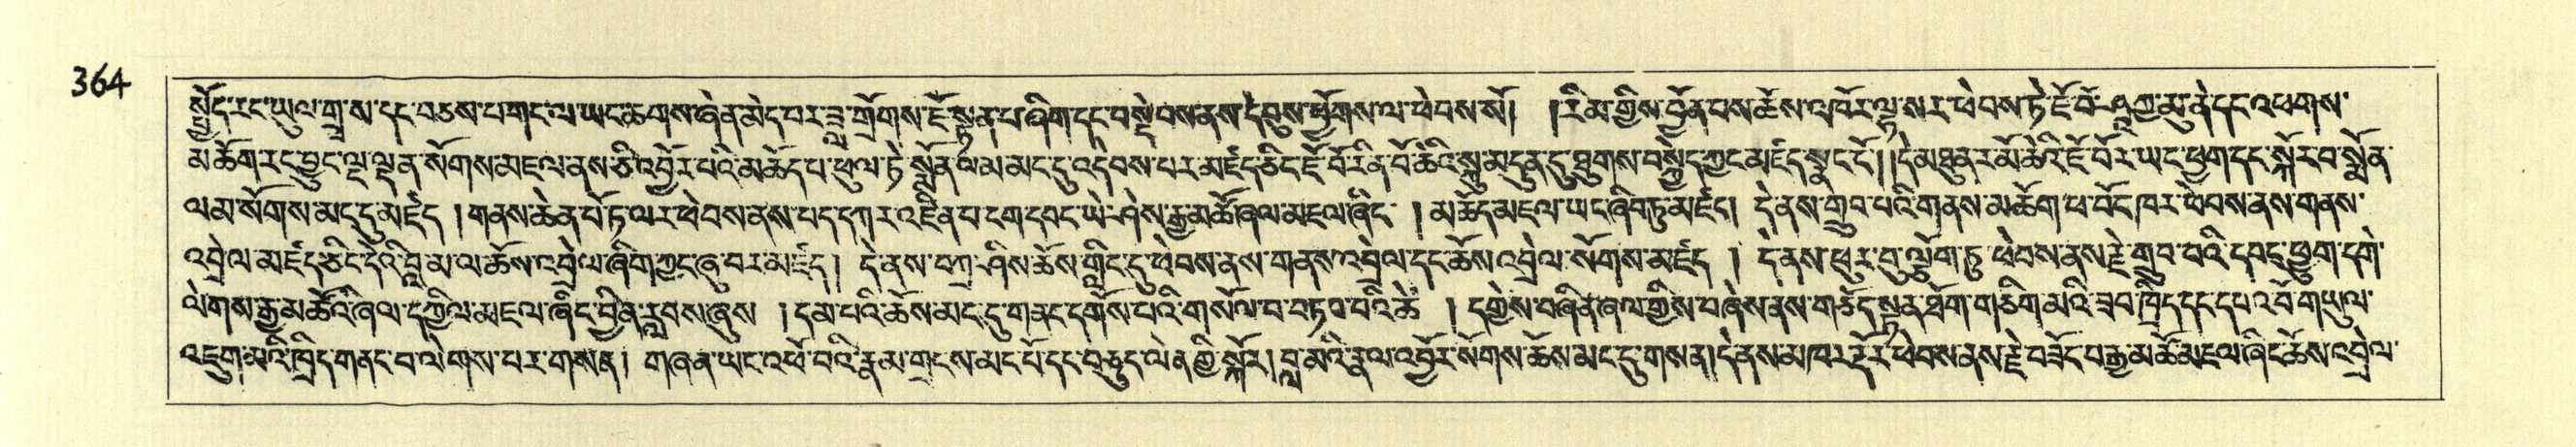སྤྱོད་རང་ཡུལ་གྲྭ་ས་དང་བཅས་པ་གང་ལ་ཡང་ཆགས་ཞེན་མེད་པར་ཟླ་གྲོགས་ཇོ་སྟན་པ་ཞིག་དང་བསྡེབས་ནས་དབུས་ཕྱོགས་ལ་ཕེབས་སོ། །རིམ་གྱིས་བྱོན་པས་ཆོས་འཁོར་ལྷ་སར་ཕེབས་ཏེ་ཇོ་བོ་ཤཱཀྱ་མུ་ནེ་དང་འཕགས་
མཆོག་རང་བྱུང་ལྔ་ལྡན་སོགས་མཇལ་ནས་ཅི་འབྱོར་པའི་མཆོད་པ་ཕུལ་ཏེ་སྨོན་ལམ་མང་དུ་འདེབས་པར་མཛད་ཅིང་ཇོ་བོ་རིན་པོ་ཆེའི་སྐུ་མདུན་དུ་ཐུགས་བསྐྱེད་ཀྱང་མཛད་སྣང་ངོ། །དེ་མཐུན་ར་མོ་ཆེའི་ཇོ་བོར་ཡང་ཕྱག་དང་སྐོར་བ་སྨོན་
ལམ་སོགས་མང་དུ་མཛད། གནས་ཆེན་པོ་ཏ་ལར་ཕེབས་ནས་པད་དཀར་འཛིན་པ་ངག་དབང་ཡེ་ཤེས་རྒྱ་མཚོ་ཞལ་མཇལ་ཞིང་།མཆོད་མཇལ་ཡང་ཞིག་ཏུ་མཛད། དེ་ནས་གྲུབ་པའི་གནས་མཆོག་ཕ་བོང་ཁར་ཕེབས་ནས་གནང་
འབྲེལ་མཛད་ཅིང་དེའི་བླ་མ་ལ་ཆོས་འབྲེལ་ཞིག་ཀྱང་ཞུ་བར་མཛད། དེ་ནས་བཀྲ་ཤིས་ཆོས་གླིང་དུ་ཕེབས་ནས་གནས་འབྲེལ་དང་ཆོས་འབྲེལ་སོགས་མཛད། དེ་ནས་ཕུར་བུ་ལྕོག་ཏུ་ཕེབས་ནས་རྗེ་གྲུབ་པའི་དབང་ཕྱུག་དགེ་
ལེགས་རྒྱ་མཚོའི་ཞལ་དཀྱིལ་མཇལ་ཞིང་བྱིན་རླབས་ཞུས་།དམ་པའི་ཆོས་མང་དུ་གནང་དགོས་པའི་གསོལ་བ་བཏབ་པའི་ཚེ། དགྱེས་བཞིན་ཞལ་གྱིས་བཞེས་ནས་གཅོད་སྟན་ཐོག་གཅིག་མའི་ཟབ་ཁྲིད་དང་དཔའ་བོ་གཡུལ་
འཇུག་མའི་ཁྲིད་གནང་བ་ལེགས་པར་གསན། གཞན་ཡང་འཕོ་བའི་རྣམ་གྲངས་མང་པོ་དང་བཅུད་ལེན་གྱི་སྐོར། བླ་མའི་རྣལ་འབྱོར་སོགས་ཆོས་མང་དུ་གསན། དེ་ནས་མཁར་རྡོར་ཕེབས་ནས་རྗེ་བཟོད་པ་རྒྱ་མཚོ་མཇལ་ཞིང་ཆོས་འབྲེལ་